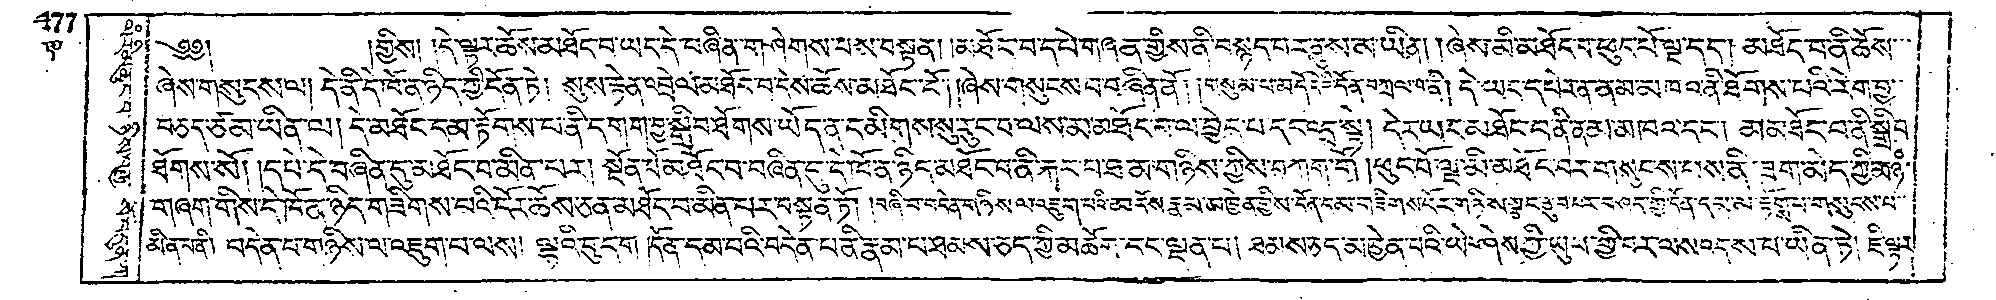༄༅། །གྱིས། །དེ་ལྟར་ཆོས་མཐོང་བ་ཡང་དེ་བཞིན་གཤེགས་པས་བསྟན། །མཐོང་བ་དཔེ་གཞན་གྱིས་ནི་བསྙད་པར་ནུས་མ་ཡིན། །ཞེས་མི་མཐོང་བ་ཕུང་པོ་ལྔ་དང་། མཐོང་བ་ནི་ཆོས་
ཞེས་གསུངས་ལ། དེ་ནི་དེ་ཁོ་ན་ཉིད་ཀྱི་དོན་ཏེ། སུས་རྟེན་འབྲེལ་མཐོང་བ་དེས་ཆོས་མཐོང་ངོ། །ཞེས་གསུངས་པ་བཞིན་ནོ། །གསུམ་པ་མདོ་དེའི་དོན་བཀྲལ་བ་ནི།  དེ་ཡང་དཔེར་ན་ནམ་མཁའ་ནི་ཐོགས་པའི་རེག་བྱ་
བཅད་ཙམ་ཡིན་ལ། དེ་མཐོང་དམ་རྟོགས་པ་ནི་དགག་བྱ་སྒྲིབ་ཐོགས་ཡོད་ན་དམིགས་སུ་རུང་བ་ལས་མ་མཐོང་བ་ལ་བྱེད་པ་དང་འདྲ་སྟེ། དེར་ཡང་མཐོང་བ་ནི་ནམ་མཁའ་དང་། མ་མཐོང་བ་ནི་སྒྲིབ་
ཐོགས་སོ། །དཔེ་དེ་བཞིན་དུ་མཐོང་བ་མིན་པར། སྔོན་པོ་མཐོང་བ་བཞིན་དུ་དེ་ཁོ་ན་ཉིད་མཐོང་བ་ནི་རྐང་པ་ཐ་མ་གཉིས་ཀྱིས་བཀག་གོ །ཕུང་པོ་ལྔ་མི་མཐོང་བར་གསུངས་པས་ནི་ཟག་མེད་ཀྱི་མཉཾ་
གཞག་གིས་དེ་ཁོ་ན་ཉིད་གཟིགས་པའི་ངོར་ཆོས་ཅན་མཐོང་བ་མིན་པར་བསྟན་ཏོ། །བཞི་པ་བདེན་གཉིས་ལ་འཇུག་པའི་མདོས་རྣམ་མཁྱེན་གྱིས་དོན་དམ་གཟིགས་དོར་གཉིས་སྣང་ནུབ་པར་བཤད་ཀྱི་དོན་དམ་མ་རྟོགས་པ་གསུངས་པ་
མིན་པ་ནི། བདེན་པ་གཉིས་ལ་འཇུག་པ་ལས། ལྷའི་བུ་དག །དོན་དམ་པའི་བདེན་པ་ནི་རྣམ་པ་ཐམས་ཅད་ཀྱི་མཆོག་དང་ལྡན་པ། ཐམས་ཅད་མཁྱེན་པའི་ཡེ་ཤེས་ཀྱི་ཡུལ་གྱི་བར་ལས་འདས་པ་ཡིན་ཏེ། ཇི་ལྟར་